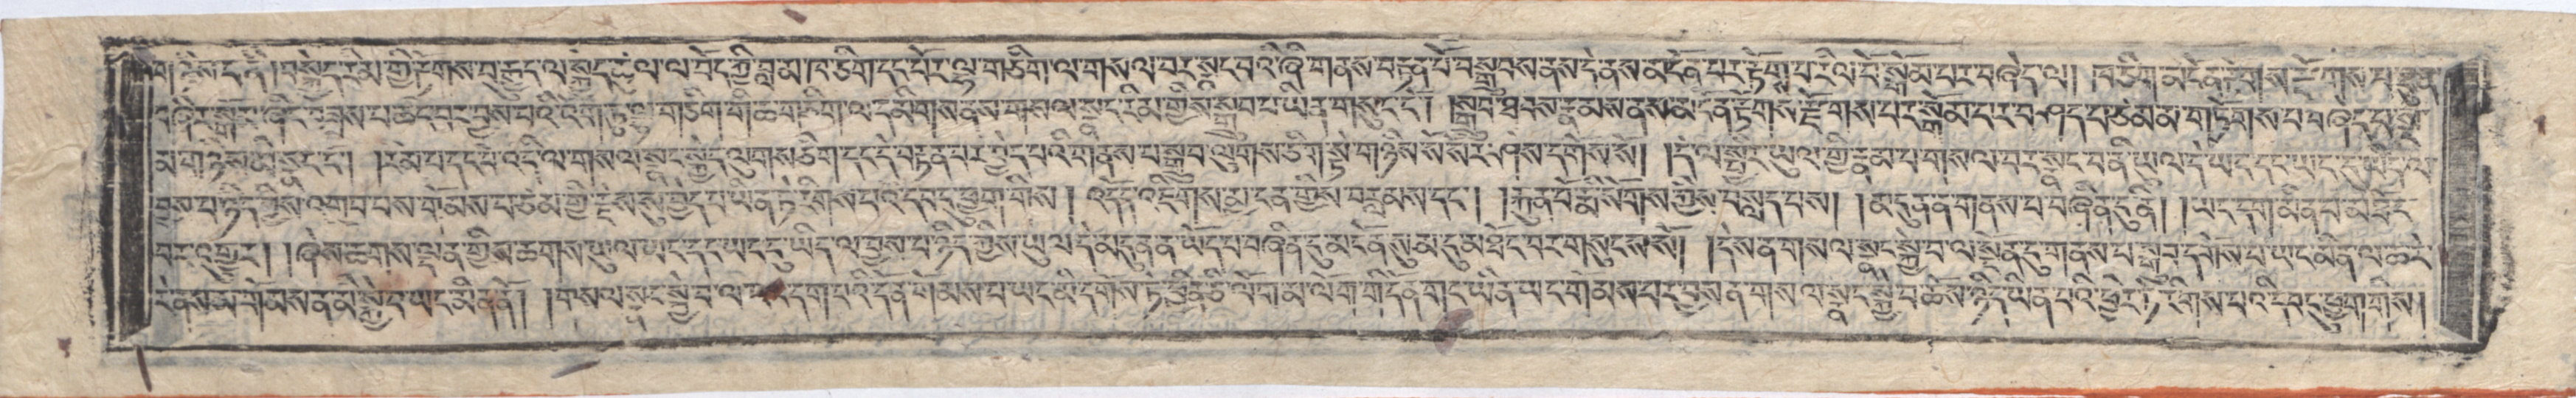གཉིས་པ་ནི། བསྐྱེད་རིམ་གྱི་རྟོགས་པ་རྒྱུད་ལ་སྐྱེད་ཚུལ་ལ་བོད་ཀྱི་བླ་མ་ཁ་ཅིག་དང་པོར་ལྷ་གཅིག་ལ་གསལ་བར་སྣང་བའི་ཞི་གནས་བརྟན་པོ་བསྒྲུབས་ནས་དེ་ནས་མངོན་པར་རྟོགས་པ་རིལ་པོ་སྒོམ་པར་བཞེད་ལ། ཁ་ཅིག་མངོན་རྟོགས་རྫོགས་པ་ཐུན་
བཞིར་སྒོམ་ཞིང་བཟླས་པ་ཚང་བར་བྱས་པའི་འོག་ཏུ་ལྷ་གཅིག་གི་ཆ་གཅིག་ལ་དམིགས་ནས་གསལ་སྣང་རིམ་གྱིས་སྒྲུབ་པ་ཡིན་གསུང་ངོ། །སྒྲུབ་ཐབས་རྣམས་ནས་མངོན་རྟོགས་རྫོགས་པར་སྒོམ་པར་བཤད་པ་ཙམ་མ་གཏོགས་པ་བཞེད་པ་སྔ་
མ་གཉིས་མི་སྣང་ངོ། །རིམ་པ་དང་པོ་འདི་ལ་གསལ་སྣང་སྐྱེད་ལུགས་ཅིག་དང་དེ་བརྟན་པར་བྱེད་པའི་གནས་པ་སྒྲུབ་ལུགས་ཅིག་སྟེ་གཉིས་སོ་སོར་ཤེས་དགོས་སོ། །དེ་ལ་སྤྱིར་ཡུལ་གྱི་རྣམ་པ་གསལ་བར་སྣང་བ་ནི་ཡུལ་དེ་ཡང་དང་ཡང་དུ་ཡིད་ལ་
བྱས་པ་ཉིད་ཀྱིས་འགྲུབ་པས་གོམས་པ་ཙམ་གྱི་རྗེས་སུ་བྱེད་པ་ཡིན་ཏེ་རིགས་པའི་དབང་ཕྱུག་གིས། འདོད་འཇིགས་མྱ་ངན་གྱིས་བརླམས་དང་། །རྐུན་པོ་རྨི་སོགས་ཀྱིས་བསླད་པས། །མདུན་ན་གནས་པ་བཞིན་དུ་ནི། །ཡང་དག་མིན་པ་མཐོང་
བར་འགྱུར། །ཞེས་ཆགས་ལྡན་གྱིས་ཆགས་ཡུལ་ཡང་དང་ཡང་དུ་ཡིད་ལ་བྱས་པ་ཉིད་ཀྱིས་ཡུལ་དེ་མདུན་ན་ཡོད་པ་བཞིན་དུ་མངོན་སུམ་དུ་མཐོང་བར་གསུངས་སོ། །དེས་ན་གསལ་སྣང་སྐྱེ་བ་ལ་སྔོན་དུ་གནས་པ་སྒྲུབ་དགོས་པ་ཡང་མིན་ལ་ཆ་རེ་
རེ་ནས་མ་གོམས་ན་མི་སྐྱེ་བ་ཡང་མིན་ནོ། །གསལ་སྣང་སྐྱེ་བ་ལ་ཡང་དག་པའི་དོན་གོམས་པ་ཡང་མི་དགོས་ཏེ་ཕྱིན་ཅི་ལོག་མ་ལོག་གི་དོན་གང་ཡིན་ཡང་གོམས་པར་བྱས་ན་གསལ་སྣང་སྐྱེ་བ་ཆོས་ཉིད་ཡིན་པའི་ཕྱིར་ཏེ་རིགས་པའི་དབང་ཕྱུག་གིས།